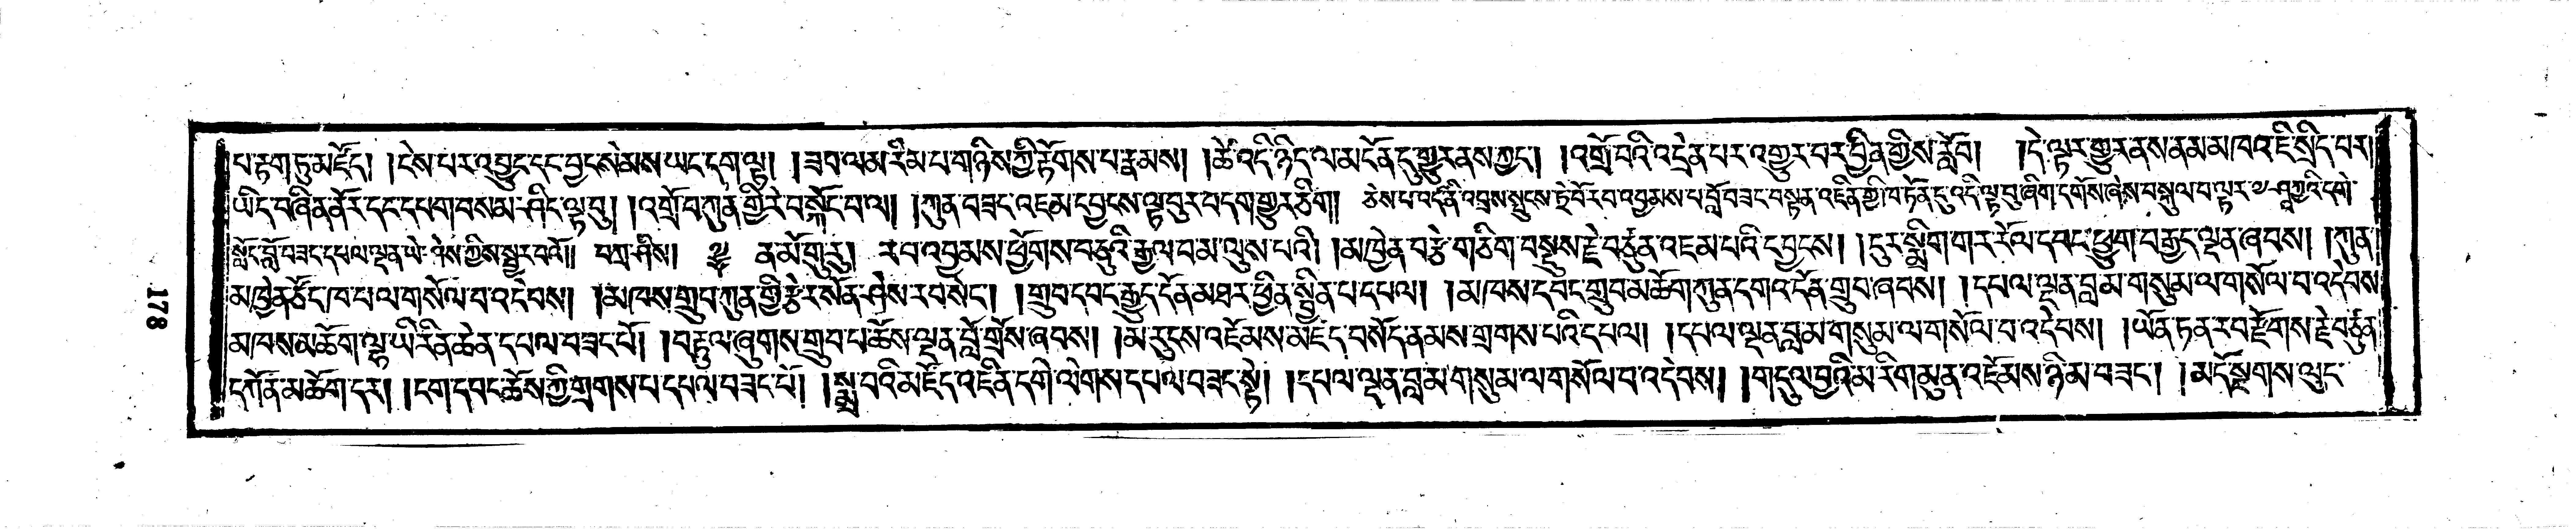པ་རྟག་ཏུ་མཛོད། །ངེས་པར་འབྱུང་དང་བྱང་སེམས་ཡང་དག་ལྟ། །ཟབ་ལམ་རིམ་པ་གཉིས་ཀྱི་རྟོགས་པ་རྣམས། །ཚེ་འདི་ཉིད་ལ་མངོན་དུ་གྱུར་ནས་ཀྱང་། །འགྲོ་བའི་འདྲེན་པར་འགྱུར་བར་བྱིན་གྱིས་རློབ། །དེ་ལྟར་གྱུར་ནས་ནམ་མཁའ་ཇི་སྲིད་པར།
ཡིད་བཞིན་ནོར་དང་དཔག་བསམ་ཤིང་ལྟ་བུ། །འགྲོ་བ་ཀུན་གྱི་རེ་བསྐོང་བ་ལ། །ཀུན་བཟང་འཇམ་དབྱངས་ལྟ་བུར་བདག་གྱུར་ཅིག། ཅེས་པ་འདི་ནི་འབྲས་སྤུངས་ཏྲེ་བོ་རབ་འབྱམས་པ་བློ་བཟང་བསྟན་འཛིན་གྱི་ཁ་ཏོན་དུ་འདི་ལྟ་བུ་ཞིག་དགོས་ཞེས་བསྐུལ་བ་ལྟར་༧་ཤཱཀྱའི་དགེ་
སློང་བློ་བཟང་དཔལ་ལྡན་ཡེ་ཤེས་ཀྱིས་སྦྱར་བའོ།། བཀྲ་ཤིས། ༈ ན་མོ་གུ་རུ། རབ་འབྱམས་ཕྱོགས་བཅུའི་རྒྱལ་བ་མ་ལུས་པའི། །མཁྱེན་བརྩེ་གཅིག་བསྡུས་རྗེ་བཙུན་འཇམ་པའི་དབྱངས། །དུར་སྨྲིག་གར་རོལ་དབང་ཕྱུག་བརྒྱད་ལྡན་ཞབས། །ཀུན་
མཁྱེན་ཙོང་ཁ་པ་ལ་གསོལ་བ་འདེབས། །མཁས་གྲུབ་ཀུན་གྱི་རྩེར་སོན་ཤེས་རབ་སེང་། །གྲུབ་དབང་རྒྱུད་དོན་མཐར་ཕྱིན་སྦྱིན་པ་དཔལ། །མཁས་དབང་གྲུབ་མཆོག་ཀུན་དགའ་དོན་གྲུབ་ཞབས། །དཔལ་ལྡན་བླ་མ་གསུམ་ལ་གསོལ་བ་འདེབས་
མཁས་མཆོག་ལྷ་ཡི་རིན་ཆེན་དཔལ་བཟང་པོ། །བརྟུལ་ཞུགས་གྲུབ་པ་ཆོས་ལྡན་བློ་གྲོས་ཞབས། །མ་རུངས་འཇོམས་མཛད་བསོད་ནམས་གྲགས་པའི་དཔལ། །དཔལ་ལྡན་བླ་མ་གསུམ་ལ་གསོལ་བ་འདེབས། །ཡོན་ཏན་རབ་རྫོགས་རྗེ་བཙུན་
དཀོན་མཆོག་དར། །ངག་དབང་ཆོས་ཀྱི་གྲགས་པ་དཔལ་བཟང་པོ། །སྨྲ་བའི་མཛོད་འཛིན་དགེ་ལེགས་དཔལ་བཟང་སྟེ། །དཔལ་ལྡན་བླ་མ་གསུམ་ལ་གསོལ་བ་འདེབས། །གདུལ་བྱའི་མ་རིག་མུན་འཇོམས་ཉི་མ་བཟང་། །མདོ་སྔགས་ལུང་